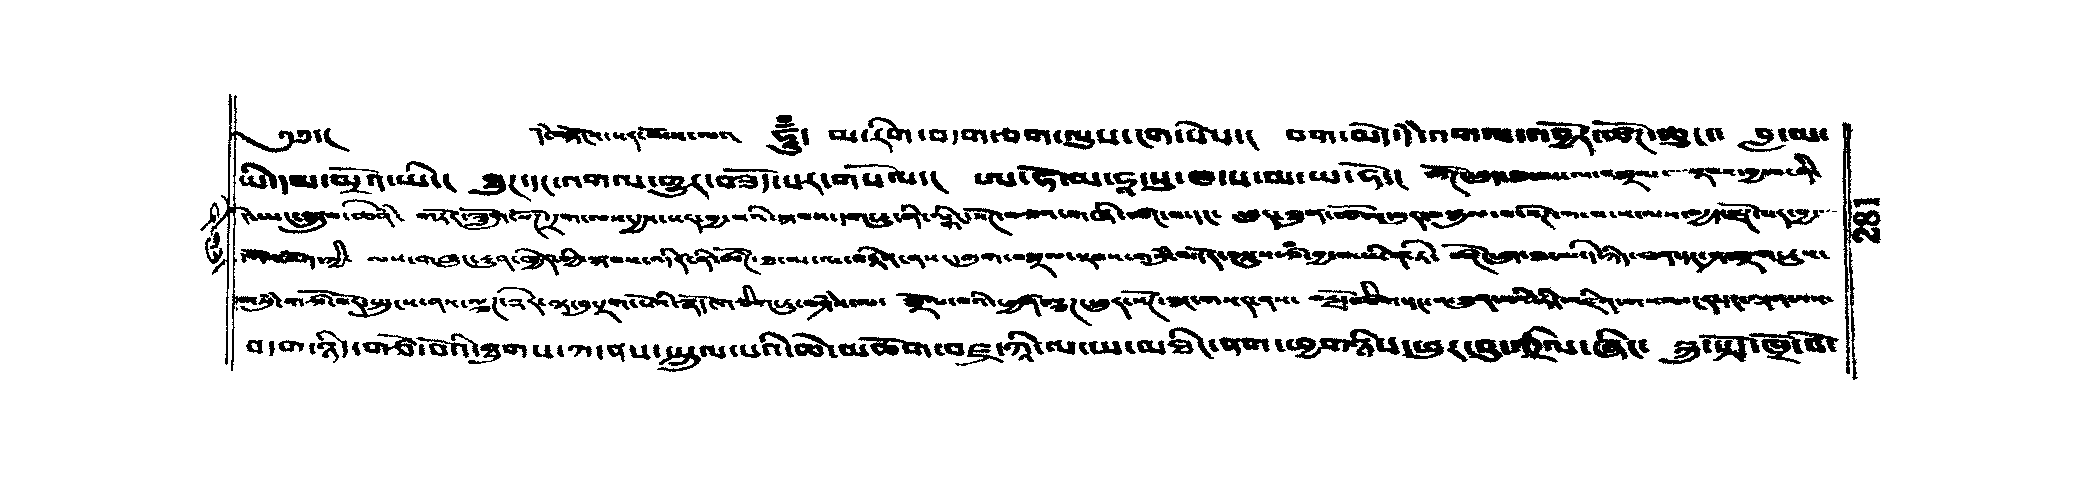དམ་སྐོངས་པར་མོས་ལ། མ་རིག་བག་ཆགས་ལུས་ངག་སེམས། །བག་མེད་དམ་འགལ་འབྱོར་ཚོགས་ཆུང་། །བླ་མ་
ཡི་དམ་མཁའ་འགྲོ་ཡི། །ཐུགས་དང་འགལ་གྱུར་བཟོད་པར་གསོལ། །ཨ་ཧོ་མ་ཧཱ་སུ་ཁ་ས་མ་ཡ་ཧོ། ཚོགས་ཕུད་བླ་མ་ལ་བསྒྲལ་སྟབས་བྱ་བ་ནི། 
དེ་ཡང་སྒྲུབ་ཆེན་ནམ་གཏོར་ཟློག་སོགས་དྲག་ལས་རྒྱས་པར་བྱ་བའི་སྐབས་དག་ཏུ་ནི་ལིངྒ་སོགས་བཅའ་གཞི་ཚང་མ་དང་། ཕུར་ཐུན་ཚོམ་བུ་བསྐུལ་བ་སོགས་གདབ་པ་ལས་བརྒྱད་རྫོགས་པར་བྱ་
དགོས་མོད་ཀྱི། ལས་གཞུང་རྒྱུན་ཁྱེར་གྱི་སྐབས་འདིར་ནི་ཚོགས་ཐ་མ་ལ་བརྟེན་ནས་དགུག་བསྒྲལ་སྟབས་གསུམ་མདོར་བསྡུས་ཙམ་བྱ་བ་ཡིན་ཏེ། ཚོགས་ཐ་མ་དེ་ཉིད་ཟན་དང་ཤ་ཁྲག་རུས་
གསུམ་གཙོ་བོར་སྤུངས་ནས་ལྕགས་ལྡེར་ལྟ་བུ་དྲག་པོའི་སྣོད་གཅིག་ཏུ་བཤམས་ལ། སྒྲོལ་བའི་ཕྱག་རྒྱ་ལྕགས་ཕུར་སོགས་ཀྱང་གསར་ནས། བརྗོད་ཚིག་དང་མཐུན་པའི་ཏིང་འཛིན་གསལ་ངར་དང་ལྡན་པས། 
བདག་ཉིད་གཙོ་བོའི་ཐུགས་ཀ་ནས་སྤྲུལ་པའི་ཆེ་མཆོག་བཛྲ་ཀཱི་ལ་ཡ་མཐིང་ནག་ཕྱག་གཉིས་ཕུར་བུ་འདྲིལ་ཞིང་། སྐུ་སྟོད་ཁྲོ་བོ་